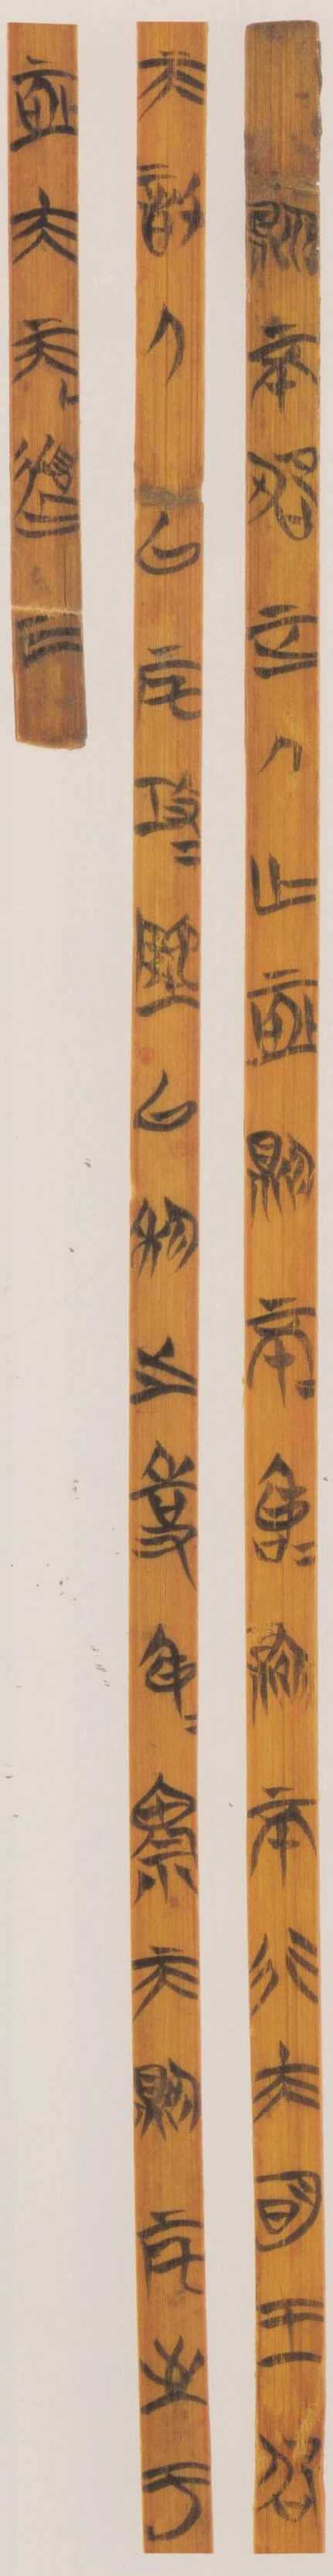則不卲正人亡亟則不=口身=則不行夫明王卲天信人㠯（以）厇攻=地㠯（以）利之事身={鬼示}天則厇至于亟夫天道三
